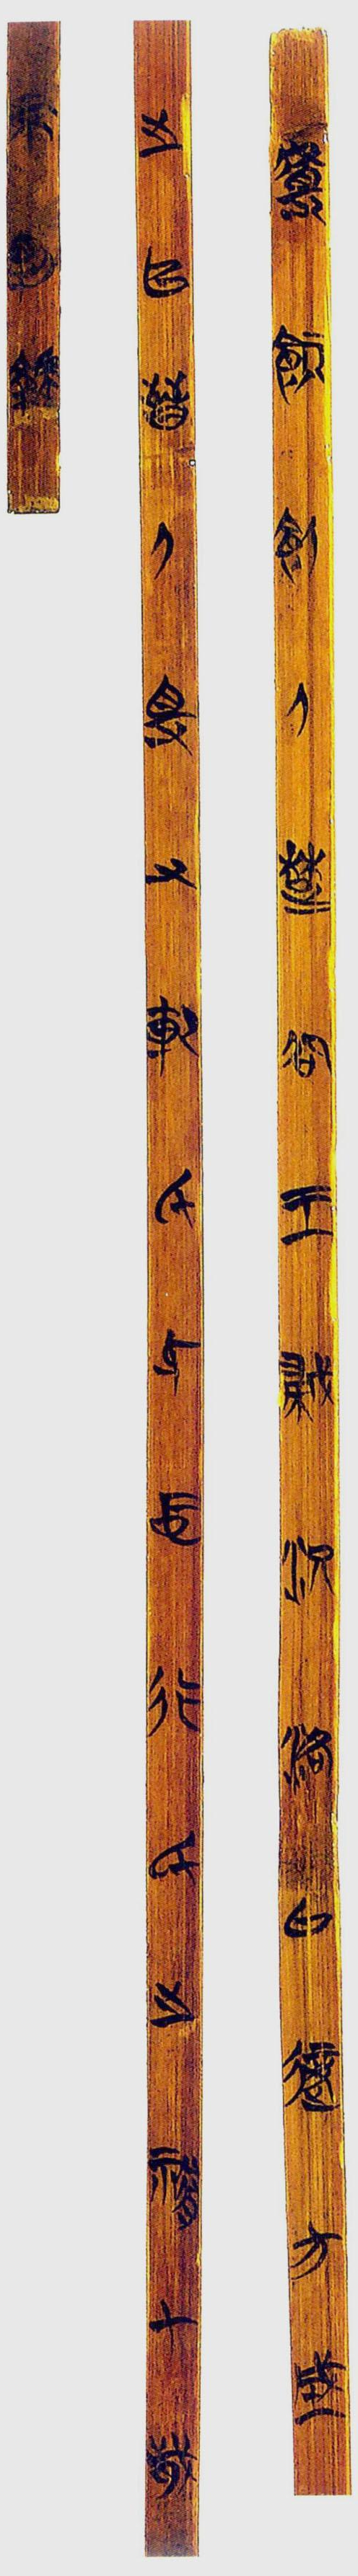虘B飢飤人楚卲王{帚戈}{水尹}洛㠯（以）復方城之𠂤晉人{且又}又{車㔾}氏与（與）𠁩行氏之禍七歲不解{幸虎}
